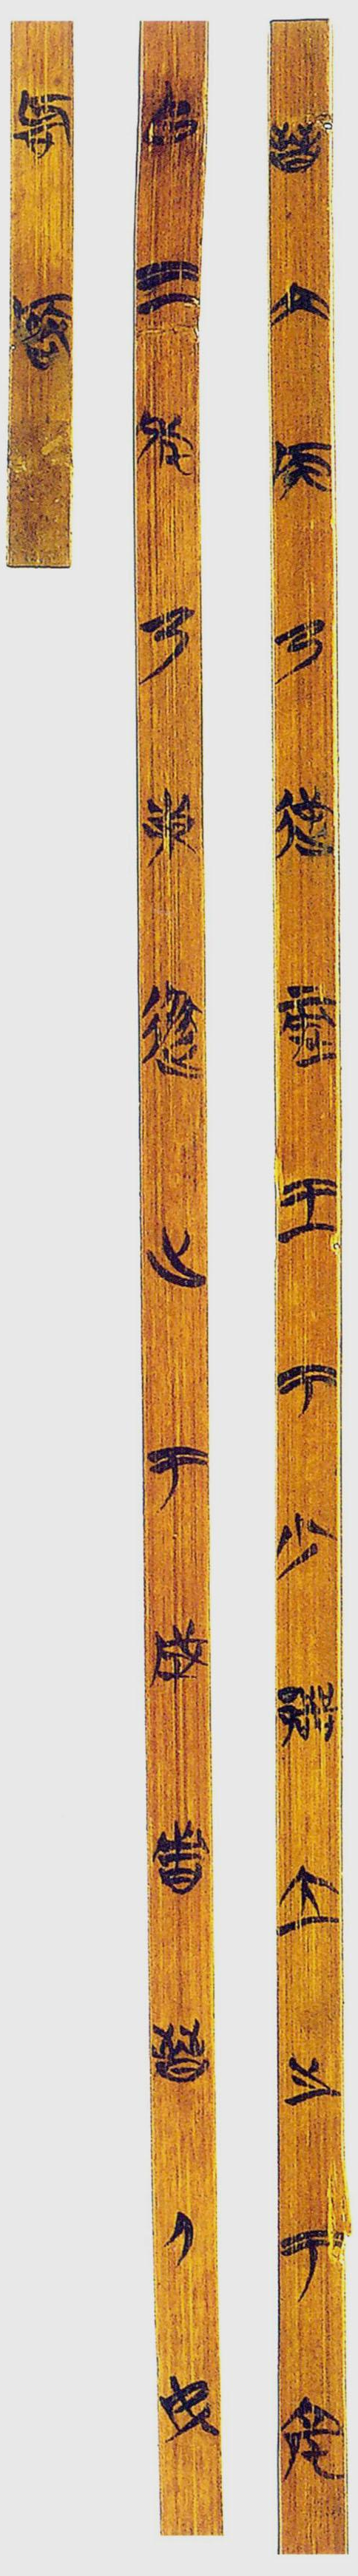晉文侯乃逆坪王于少鄂立之于京𠂤三年乃東{辶𡱵}止于成周晉人𡚦{㠯ㅋ}啟
